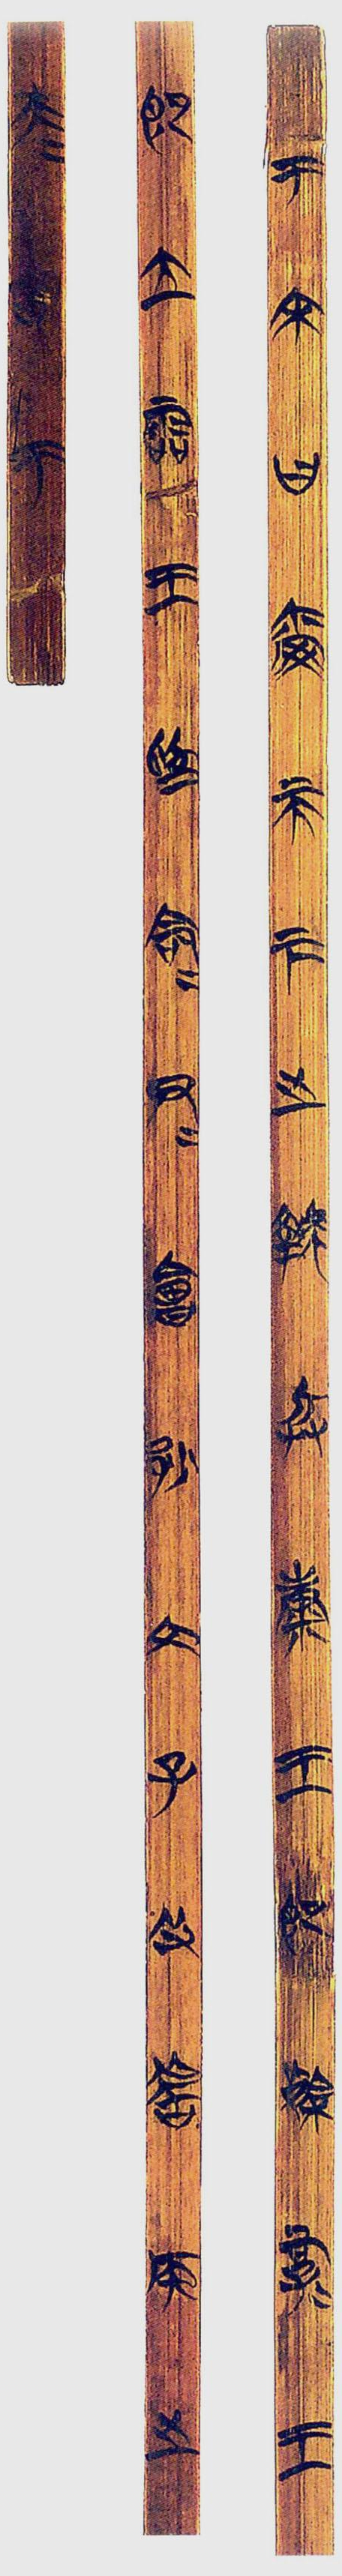于宋曰爾天下之{幸虎}兵康王即殜乳=王即立霝王爲命=尹=會{少阝}文子及者侯之夫=明于
